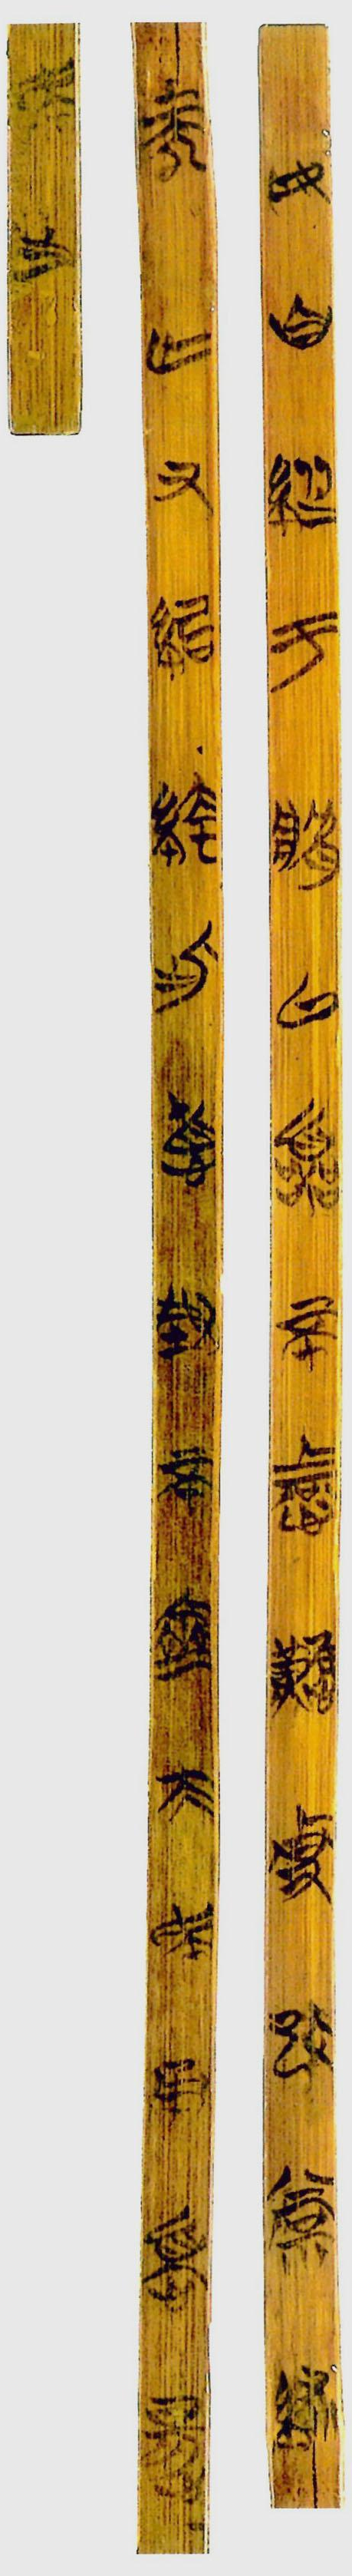母自{糸從}（縱）于{爿兔}㠯（以）囂不𢝬戁（難）{小日儿}改常絉而亡又{糸己口}䋁此惪型不齊夫民甬𢝊（憂）愓民之
